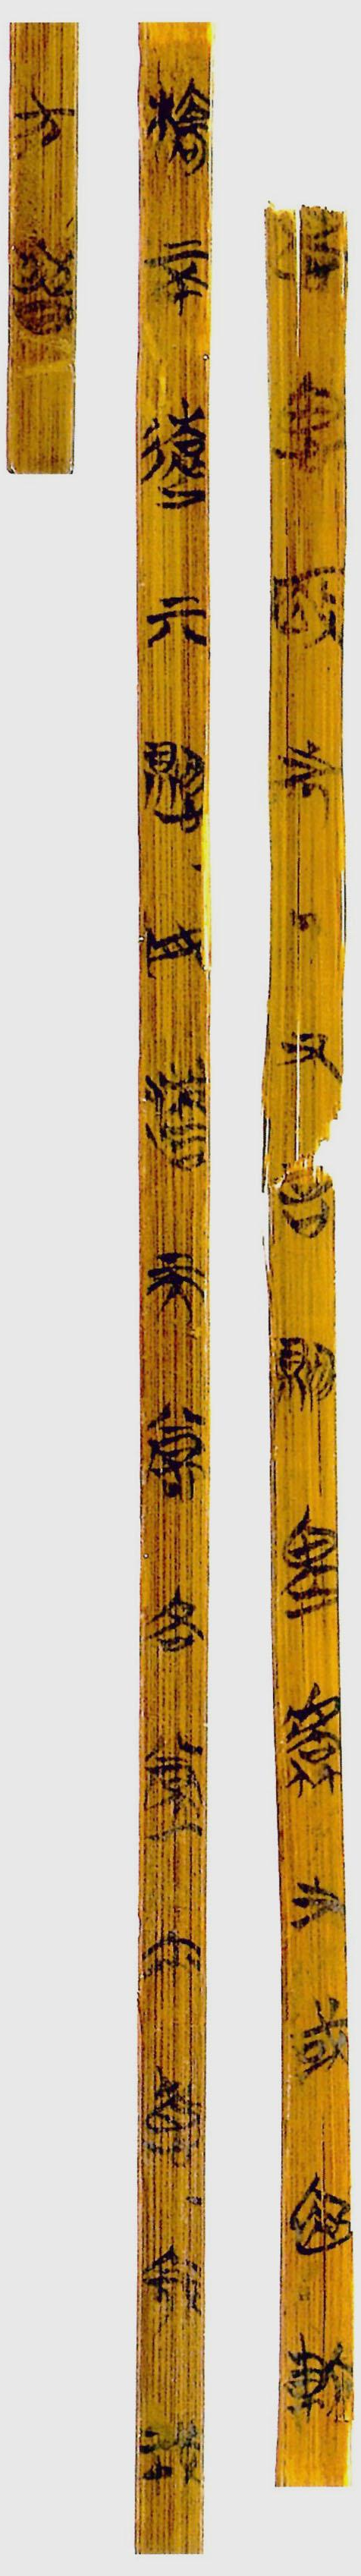𢝊（憂）思{医殳}先人又言則畏○之或因斬椅不遠亓惻母{水艸害}天常各當尔惪{完戈}戎方晉
